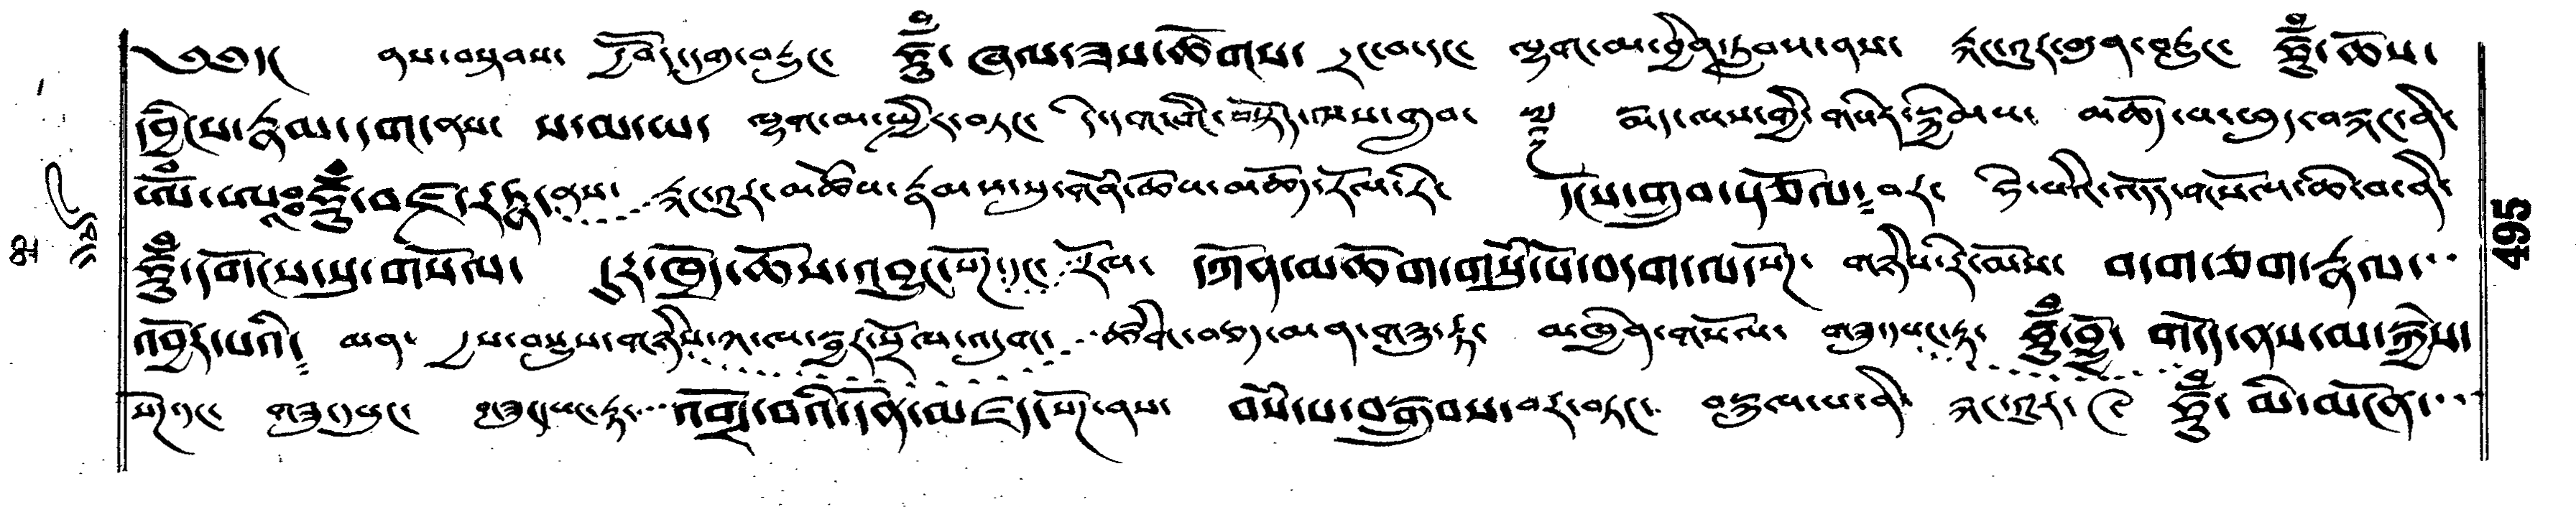ནས། བསྟབ༔ ( རྒྱོབ་སོད་དགུ་བརྡུང་། ) ཧཱུྃ༔ ཞལ་ཟས་ཚོགས༴ དྲང་བ་དང་། ལྷག་མ་བྱིན་རླབས་ནས། ( རྐང་འུར་བདུན་བརྡུང་། ) ཧཱུྃ༔ཆོས་
དབྱིངས་རྣམ་དག༴ ནས། ས་མ་ཡ༔ ལྷག་མ་སྤྱིར་བཏང་།དེ་དག་གིས་བསྟོད་ལས་གྲུབ། ༈ སྨད་ལས་གྱི་གསེར་སྐྱེམས། མཆོད་པ་ཕུད་སྐོང་ནི། 
ཨོཾ་ཨཱཿཧཱུྃ་བཛྲ་རཏྣ༴ ནས། དངོས་གྲུབ་སྩོལ༔ བར། ཧེ་པའི་འདོད་གསོལ་ཆེ་བ་ནི། 
ཧཱུྃ། དགོངས་སུ་གསོལ། དུར་ཁྲོད་ཆོས་འབྱུང༴ སོགས་དང་། དཀོན་མཆོག་གསུམ་པོ་བདག་ལ༴ སོགས། གཉིས་རེ་མོས། བདག་ཅག་རྣལ་
འབྱོར་པའི༴ མན། རྒྱས་བསྡུས་གཉིས་ཀ་ལ་སྦྱར་སྲོལ་འདུག མཁྱེན་གསོས། ཧཱུྃ་བྷྱོ༔ གདོད་ནས་མ་སྐྱེས༴ 
སོགས་དང་། གཟུ་དཔང་། འགྲོ་བའི་དོན་མཛད༴ སོགས་ནས། བསམ་པ་སྒྲུབས༔ བར་བཏང་། བསྐུལ་པ་ནི། ( སྐང་འུར་དགུ། ) ཧཱུྃ༔མི་མངོན་